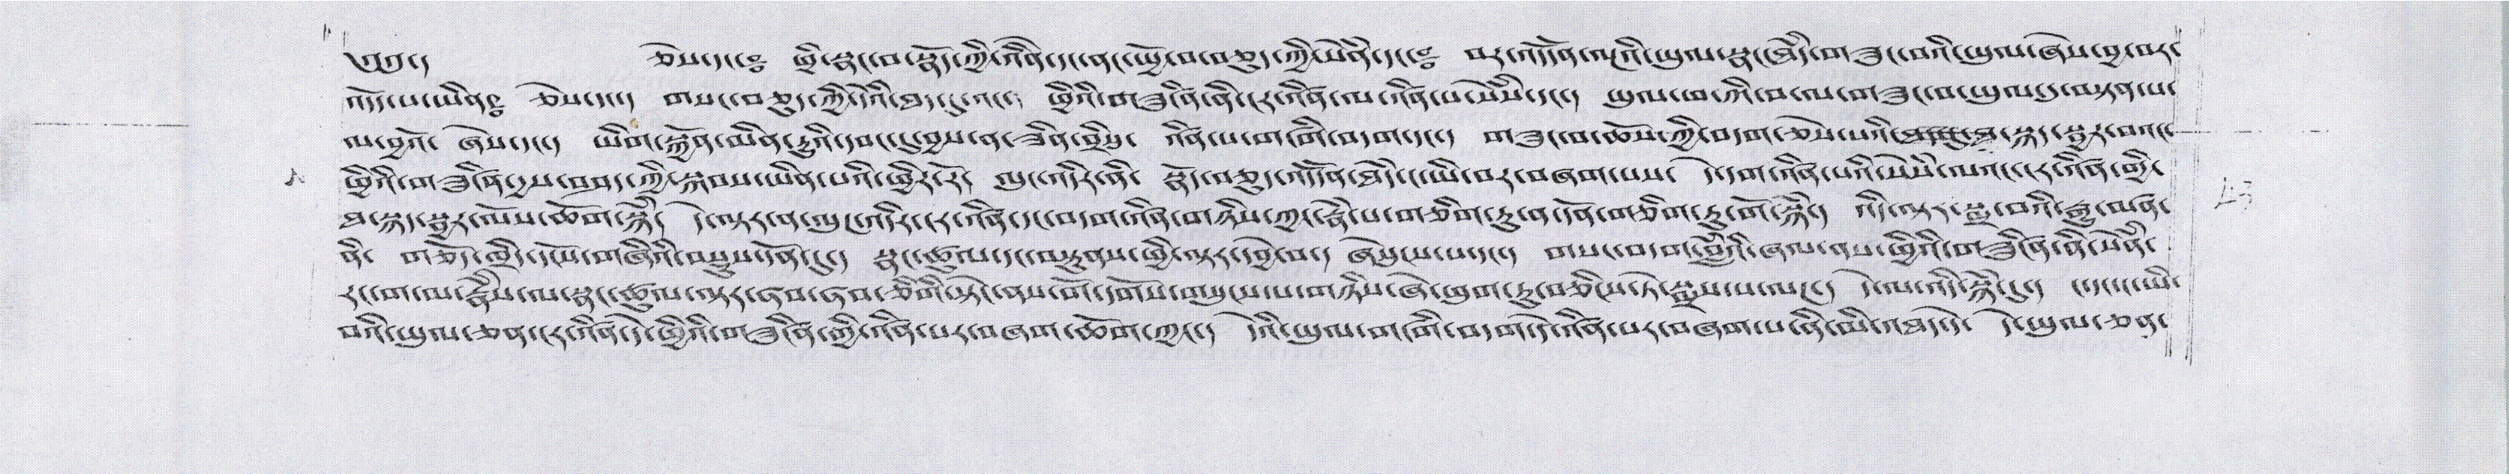ཅེས་དངཿ ཕྱི་སྣང་བ་སྣོད་ཀྱི་འཇིག་རྟེན་དང་ནང་གཡོ་བ་བཅུད་ཀྱི་སེམས་ཅན་དངཿ བར་འདོད་ཡོན་ལྔའི་ཡུལ་སྣང་ཐམས་ཅད་གཟུང་བའི་ཡུལ་ཞེས་བྱ་བར་
འདོད་པ་ཡིནཿ ཅེས་དང་། གསང་བཅུད་ཀྱི་དེའི་ཐད་དུའང་། ཕྱིའི་གཟུང་འཛིན་ནི་ངར་འཛིན་ལ། འཛིན་པ་སེམས་དང་། ཡུལ་ཕ་ཀི་བ་ལ་གཟུང་བ་ཡུལ་དུ་བསྟན་པ་
ལ་བྱའོ། ཞེས་དང་། ཡིག་སྐྱོན་མིན་རྒྱུའི་དབང་དུ་བྱས་ན་ཟིན་བྲིས། འཛིན་པ་གང་ཟག་གི་བདག་དང་། གཟུང་བ་ཆོས་ཀྱི་བདག་ཅེས་པའི་ཐ་སྙད་སྦྱར་བ་དང་
ཕྱིའི་གཟུང་འཛིན་རྒྱས་བཤད་ཀྱི་སྐབས་ཡིན་པའི་ཕྱིར་རོ། ལུང་འདིར་ནི། སྣོད་བཅུད་འདོད་ཡོན་ཐམས་ཅད་ང་ཡི་བར་བཞག་པས། དེ་དག་འཛིན་པའི་སེམས་ལའང་ངར་འཛིན་གྱི་
ཐ་སྙད་སྦྱར་ལོས་ཆོག་སྙམ། དེ་ལྟར་ན་ལུགས་འདིར་ངར་འཛིན་དང་བདག་འཛིན་གཉིས་རྣམ་པ་གཅིག་ཏུ་ན་དོན་གཅིག་ཏུ་གོ་སྙམ། འདི་ལྟར་སྨྲ་བའི་རྒྱུ་མཚན་
ནི། གཅོད་ཁྲིད་དངོས་གཞིའི་བསྡུས་དོན་དུ། སྣང་ཚུལ་དང་བསྟུན་ནས་ཕྱི་ལྟར་དབྱེ་བ། ཞེས་གསུངས་པ་དང་། གསང་བདག་བླ་མའི་ཞལ་ནས་ཕྱིའི་གཟུང་འཛིན་སེམས་ཅན་
རང་ག་ལ་རྣམ་པ་སྣང་ཚུལ་ལྟར་ཧབ་ཧབ་ཅིག་གི་སྟེང་ནས་གོ་དགོས་གསུངས་པ་གཉིས་ཞེ་ཕུག་ཏུ་བཅིང་ནས་སྨྲས་པ་ལགས། དེ་ལ་འདི་སྙམ་དུ་ང་དང་ང་ཡི་
བའི་ཡུལ་ཅན་ངར་འཛིན་དེ་ཕྱིའི་གཟུང་འཛིན་གྱི་འཛིན་པར་བཞག་ཆོག་ཀྱང་། དེའི་ཡུལ་གང་ཟག་གི་བདག་དེ་འཛིན་པར་བཞག་པ་ནི་མི་འཐད་དེ། དེ་ཡུལ་ཅན་